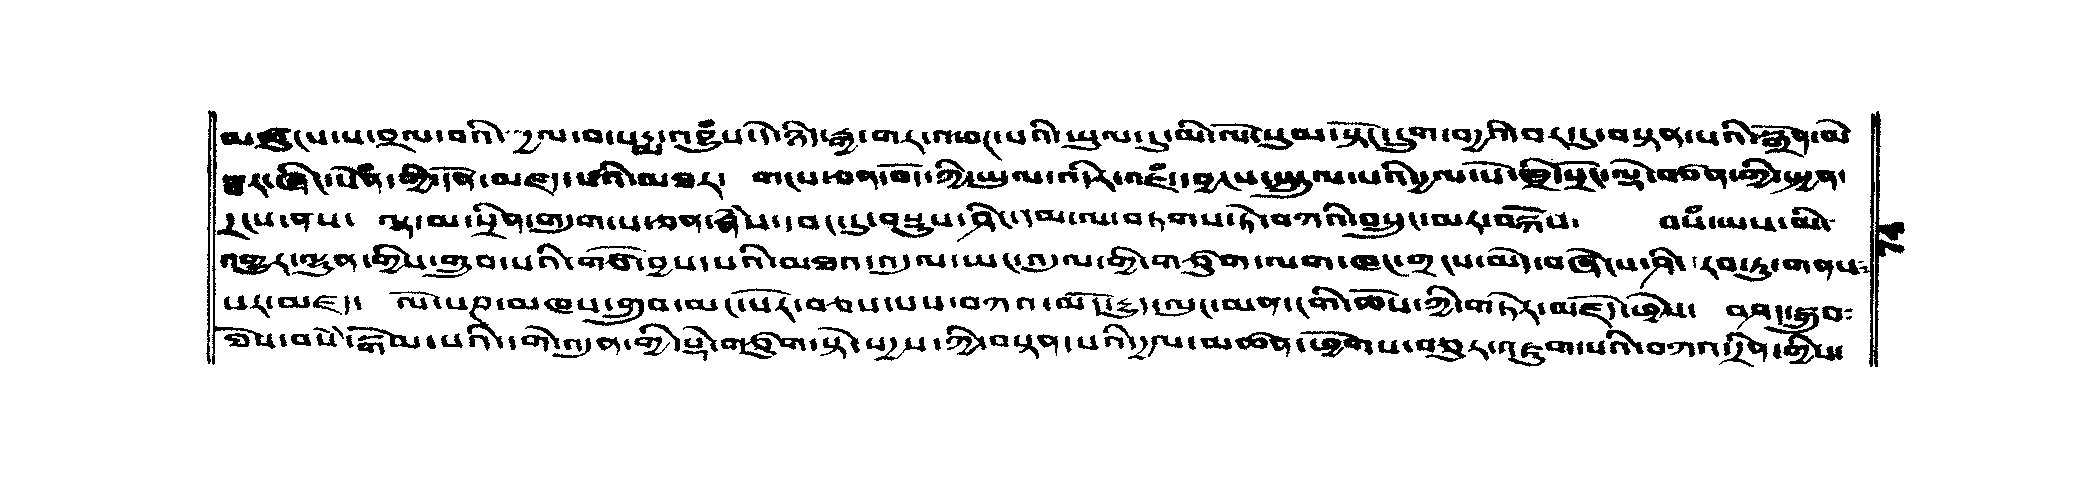མཚུངས་པ་བྲལ་བའི་རྒྱལ་བ་པདྨ་འབྱུང་གནས་དེ་ཉིད་རྒྱ་གར་འཕགས་པའི་ཡུལ་དུ་མི་ལོ་སུམ་སྟོང་དྲུག་བརྒྱའི་བར་དུ་བསྟན་པའི་སྒྲོན་མེ་
སྦར་ཞིང་སེམས་ཅན་གྱི་དོན་མཛད་པའི་མཐར། གངས་ཅན་བོད་ཀྱི་ཡུལ་འདིར་འཇམ་དབྱངས་སྤྲུལ་པའི་རྒྱལ་པོ་ཁྲི་སྲོང་ལྡེ་བཙན་གྱི་སྤྱན་
དྲངས་ནས། ལྷ་མ་སྲིན་གདུག་པ་ཅན་རྣམས་དབང་དུ་བསྡུས་ཤིང་དམ་ལ་བཏགས་ཏེ་བཀའི་བསྲུང་མར་བསྐོས། བསམ་ཡས་མི་
འགྱུར་ལྷུན་གྱིས་གྲུབ་པའི་གཙོ་བྱས་པའི་མཐའ་འདུལ་ཡང་འདུལ་གྱི་གཙུག་ལག་ཁང་གྲངས་མེད་བཞེངས་ཤིང་རབ་ཏུ་གནས་
པར་མཛད། ལོ་པཎ་མཁས་གྲུབ་མང་པོར་བཅས་པས་བཀའ་མདོ་རྒྱུད་ལུང་མན་ངག་གི་ཆོས་ཀྱི་གཏེར་མཛོད་ཅིག་བཤད་སྒྲུབ་
ཐོས་བསམ་སྒོམ་པའི་དགེ་འདུན་གྱི་སྡེ་གཙུག་སྟེ་སངས་རྒྱས་ཀྱི་བསྟན་པའི་རྒྱལ་མཚན་ཕྱོགས་བཅུར་འཇུག་པའི་བཀའ་དྲིན་གྱིས་